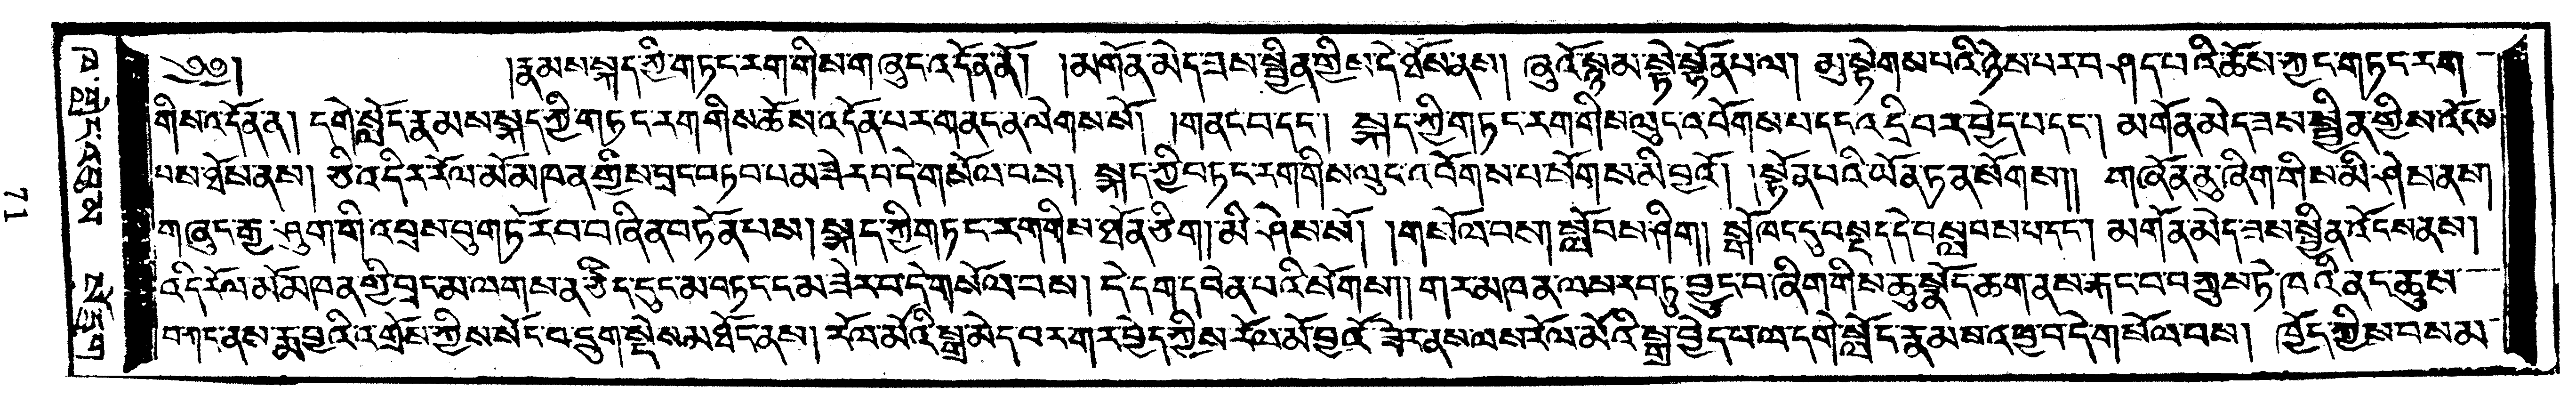༄༅། །རྣམས་སྐད་ཀྱི་གཏང་རག་གིས་གཞུང་འདོན་ནོ། །མགོན་མེད་ཟས་སྦྱིན་གྱིས་དེ་ཐོས་ནས། ཞུའོ་སྙམ་སྟེ་སྟོན་པ་ལ། མུ་སྟེགས་པའི་ཉེས་པར་བཤད་པའི་ཆོས་ཀྱང་གཏང་རག་
གིས་འདོན་ན། དགེ་སློང་རྣམས་སྐད་ཀྱི་གཏང་རག་གིས་ཆོས་འདོན་པར་གནང་ན་ལེགས་སོ། །གནང་བ་དང་། སྐད་ཀྱི་གཏང་རག་གིས་ལུང་འབོགས་པ་དང་འདྲི་བར་བྱེད་པ་དང་། མགོན་མེད་ཟས་སྦྱིན་གྱིས་འོངས་
པས་ཐོས་ནས། ཅི་འདིར་རོལ་མོ་མཁན་གྱིས་བྲང་བཏབ་པ་མ་ཟེར་བ་དེ་གསོལ་བས། སྐད་ཀྱི་བཏང་རག་གིས་ལུང་འབོགས་པ་སོགས་མི་བྱའོ། །སྟོན་པའི་ཡོན་ཏན་སོགས།། གཞོན་ནུ་ཞིག་གིས་མི་ཤེས་ནས།
གཞུང་རྒྱ་ཤུག་གི་འབྲས་བུ་གཏོར་བ་བཞིན་བཏོན་པས། སྐད་ཀྱི་གཏང་རག་གིས་ཐོན་ཅིག། མི་ཤེས་སོ། །གསོལ་བས། སློབས་ཤིག། སྒོ་ཁང་དུ་བསྡད་དེ་བསླབས་པ་དང་། མགོན་མེད་ཟས་སྦྱིན་འོངས་ནས།
འདི་རོལ་མོ་མཁན་གྱི་བྲང་མ་ལགས་ན་ཙིད་དུང་མ་བཏང་ངམ་ཟེར་བ་དེ་གསོལ་བས། དེ་དག་དབེན་བའི་སོགས། །གར་མཁན་ལས་རབ་ཏུ་བྱུང་བ་ཞིག་གིས་ཆུ་སྣོད་ཆག་ནས་རྐང་པ་བཀྲུས་ཏེ་ཁའི་ནང་ཆུས་
བཀང་ནས་རྨ་བྱའི་འགྲོས་ཀྱིས་སོང་བ་དྲུག་སྡེས་མཐོང་ནས། རོལ་མོའི་སྒྲ་མེད་བར་གར་བྱེད་ཀྱིས་རོལ་མོ་བྱའོ་ཟེར་ནས་ལས་རོལ་མོའི་སྒྲ་བྱེད་པ་ལ་དགེ་སློང་རྣམས་འཕྱ་བ་དེ་གསོལ་བས། ཁྱོད་ཀྱིས་བསམ་